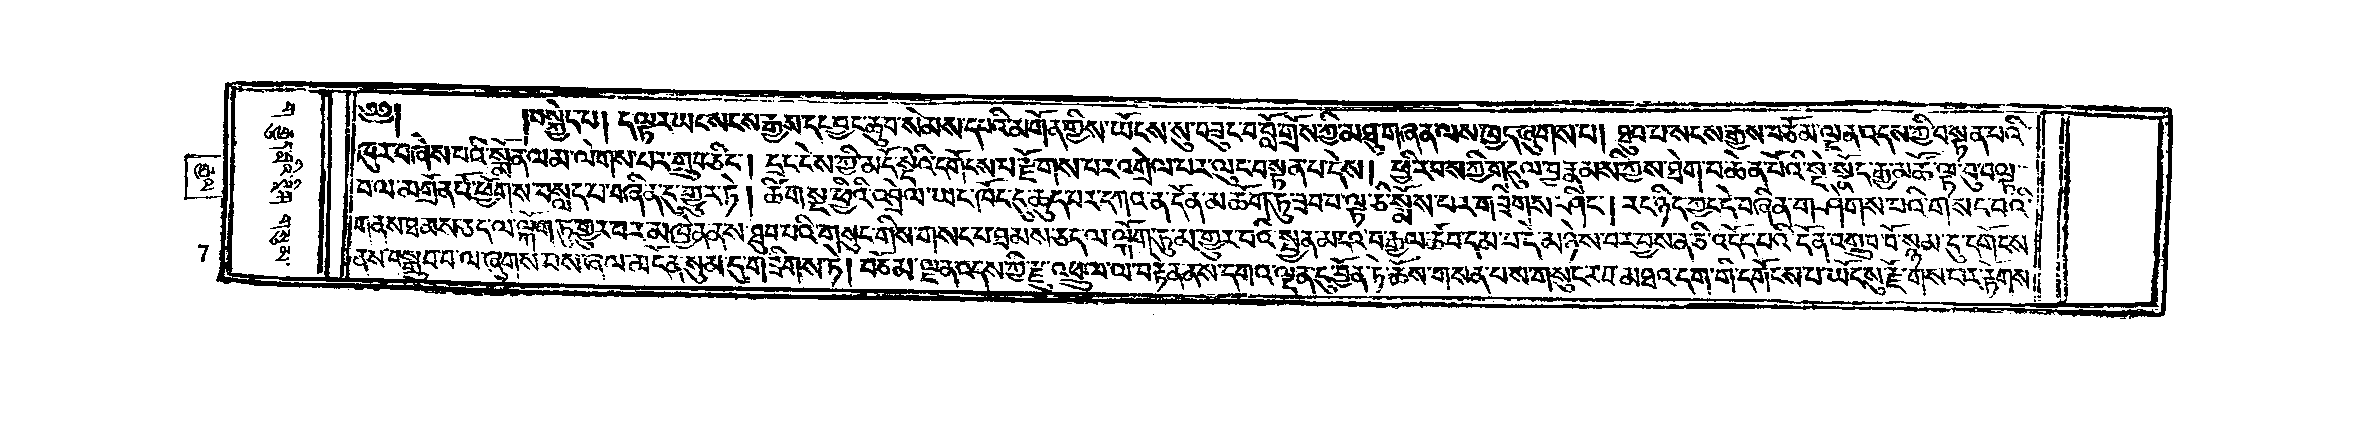༄༅། །བསྐྱེད་པ། ད་ལྟར་ཡང་སངས་རྒྱས་དང་བྱང་ཆུབ་སེམས་དཔའི་མགོན་གྱིས་ཡོངས་སུ་བཟུང་བ་བློ་གྲོས་ཀྱི་མཐུ་གཞན་ལས་ཁྱད་ཞུགས་པ། ཐུབ་པ་སངས་རྒྱས་བཅོམ་ལྡན་འདས་ཀྱི་བསྟན་པའི་
ཁུར་བཞེས་པའི་སྨོན་ལམ་ལེགས་པར་གྲུབ་ཅིང་། དྲང་ངེས་ཀྱི་མདོ་སྡེའི་དགོངས་པ་རྫོགས་པར་འགྲེལ་པར་ལུང་བསྟན་པ་དེས། ཕྱི་རབས་ཀྱི་གདུལ་བྱ་རྣམས་ཀྱིས་ཐེག་པ་ཆེན་པོའི་སྡེ་སྣོད་རྒྱ་མཚོ་ལྟ་བུ་བལྟ་
བ་ལ་མགྲོན་པོ་ཕྱོགས་བསླད་པ་བཞིན་དུ་གྱུར་ཏེ། ཚིག་སྔ་ཕྱིའི་འབྲེལ་ཡང་ཁོང་དུ་ཆུད་པར་དཀའ་ན་དོན་མཆོག་ཏུ་ཟབ་པ་ལྟ་ཅི་སྨོས་པར་གཟིགས་ཤིང་། རང་ཉིད་ཀྱང་དེ་བཞིན་གཤེགས་པའི་གསང་བའི་
གནས་ཐམས་ཅད་ལ་ལྐོག་ཏུ་གྱུར་པར་མཁྱེན་ནས་ཐུབ་པའི་གསུང་གིས་གསང་བ་ཐམས་ཅད་ལ་ལྐོག་ཏུ་མ་གྱུར་པའི་སྤྱན་མངའ་བ་རྒྱལ་ཚབ་དམ་པ་དེ་མཉེས་པར་བྱས་ན་ཅི་འདོད་པའི་དོན་འགྲུབ་བོ་སྙམ་དུ་དགོངས་
ནས་བསྒྲུབ་པ་ལ་ཞུགས་པས་ཞལ་མངོན་སུམ་དུ་གཟིགས་ཏེ། བཅོམ་ལྡན་འདས་ཀྱི་རྫུ་འཕྲུལ་ལ་བརྟེན་ནས་དགའ་ལྡན་དུ་བྱོན་ཏེ་ཆོས་གསན་པས་གསུང་རབ་མཐའ་དག་གི་དགོངས་པ་ཡོང་སུ་རྫོགས་པར་རྟོགས་